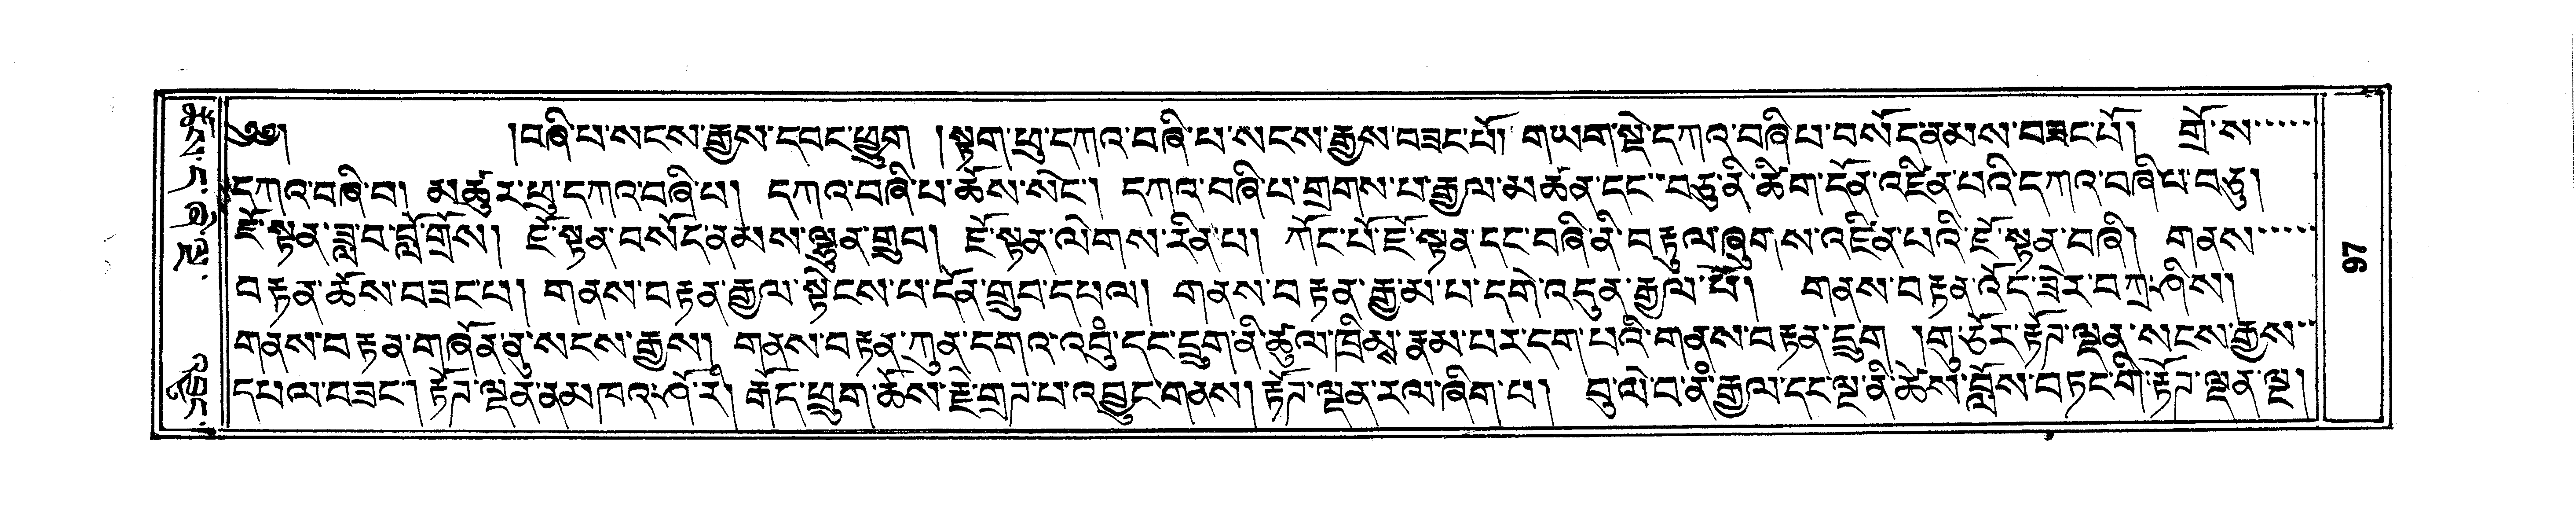༄༅། །བཞི་པ་སངས་རྒྱས་དབང་ཕྱུག །སྟག་ཕུ་དཀའ་བཞི་པ་སངས་རྒྱས་བཟང་པོ། གཡག་སྡེ་དཀའ་བཞི་པ་བསོད་ནམས་བཟང་པོ། གྲོ་ས་
དཀའ་བཞི་བ། མཚུར་ཕུ་དཀའ་བཞི་པ། དཀའ་བཞི་པ་ཆོས་སེང་། དཀའ་བཞི་པ་གྲགས་པ་རྒྱལ་མཚན་དང་བཅུ་ནི་ཚིག་དོན་འཛིན་པའི་དཀའ་བཞི་པ་བཅུ།
ཇོ་སྟན་ཟླ་བ་བློ་གྲོས། ཇོ་སྟན་བསོད་ནམས་ལྷུན་གྲུབ། ཇོ་སྟན་ལེགས་རིན་པ། ཀོང་པོ་ཇོ་སྟན་དང་བཞི་ནི་བརྟུལ་ཞུགས་འཛིན་པའི་ཇོ་སྟན་ཞིན། གནས་
བརྟན་ཆོས་བཟང་པ། གནས་བརྟན་རྒྱལ་སྟེངས་པ་དོན་གྲུབ་དཔལ། གནས་བརྟན་རྒྱ་མ་པ་དགེ་འདུན་རྒྱལ་པོ། གནས་བརྟན་འོད་ཟེར་བཀྲ་ཤིས།
གནས་བརྟན་གཞོན་ནུ་སངས་རྒྱས། གནས་བརྟན་ཀུན་དགའ་འབུཾ་དང་དྲུག་ནི་ཚུལ་ཁྲིམས་རྣམ་པར་དག་པའི་གནས་བརྟན་དྲུག །གུ་ཅོར་རྟོཊ་ལྡན་སངས་རྒྱས་
དཔལ་བཟང་། རྟོཊ་ལྡན་ནམཁའ་ཤོ་རི། རྒོད་ཕྲུག་ཆོས་རྗེ་གྲཊ་པ་འབྱུང་གནས། རྟོཊ་ལྡན་རལ་ཞིག་པ། བུ་ལེ་བ་ནཾ་རྒྱལ་དང་ལྔ་ནི་ཚེས་བློས་བཏང་གི་རྟོཊ་ལྡན་ལྔ།